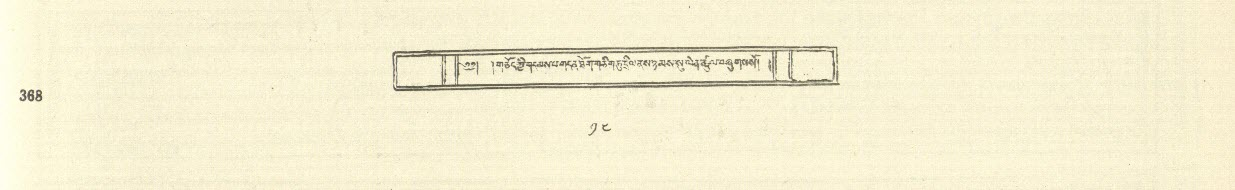༄༅། །གཅོད་ཀྱི་གདམས་པ་གདན་ཐོག་གཅིག་ཏུ་དྲིལ་ནས་ཉམས་སུ་ལེན་ཚུལ་བཞུགས་སོ། །